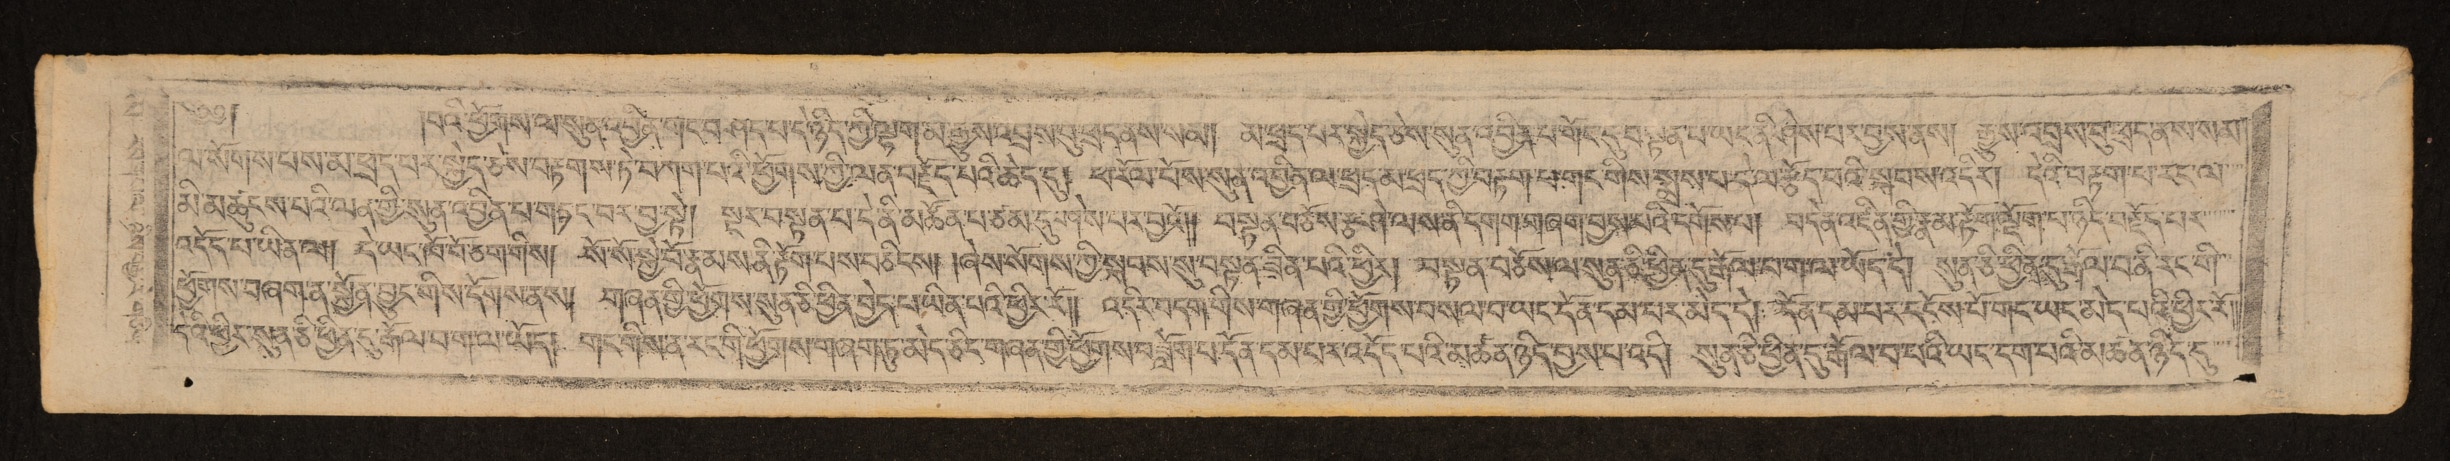༄༅། །བའི་ཕྱོགས་ལ་སུན་འབྱིན་གང་བཤད་པ་དེ་ཉིད་ཀྱི་ལྷག་མ་རྒྱུས་འབྲས་བུ་ཕྲད་ནས་སམ། མ་ཕྲད་པར་སྐྱེད་ཅེས་སུན་འབྱིན་པ་གོང་དུ་བསྟན་པ་ཡང་ནི་ཤེས་པར་བྱས་ནས། རྒྱུས་འབྲས་བུ་ཕྲད་ནས་སམ་
ལ་སོགས་པས་མ་ཕྲད་པར་སྐྱེད་ཅེས་བརྟགས་ཏེ་བཀག་པའི་ཕྱོགས་ཀྱི་ལན་བརྗོད་པའི་ཆེད་དུ། ཕ་རོལ་པོས་སུན་འབྱིན་ལ་ཕྲད་མ་ཕྲད་ཀྱི་བརྟག་པ་གང་གིས་སྨྲས་པ་དེ་ལ་རྩོད་པའི་སྐབས་འདིར། དེའི་བརྟག་པ་རང་ལ་
མི་མཚུངས་པའི་ལན་གྱི་སུན་འབྱིན་པ་གཏང་བར་བྱ་སྟེ། སྔར་བསྟན་པ་དེ་ནི་མཚོན་པ་ཙམ་དུ་ཤེས་པར་བྱའོ།། བསྟན་བཅོས་རྩ་ཤེ་ལས་ནི་དགག་གཞག་བྱས་པའི་དགོས་པ། བདེན་འཛིན་གྱི་རྣམ་རྟོག་ལྡོག་པ་ཉིད་བརྗོད་པར་
འདོད་པ་ཡིན་ལ། དེ་ཡང་ཁོ་བོ་ཅག་གིས། སོ་སོ་སྐྱེ་བོ་རྣམས་ནི་རྟོག་པས་བཅིངས། ཞེས་སོགས་ཀྱི་སྐབས་སུ་བསྟན་ཟིན་པའི་ཕྱིར། བསྟན་བཅོས་ལ་སུན་ཅི་ཕྱིན་དུ་རྒོལ་བ་ག་ལ་ཡོད་དེ། སུན་ཅི་ཕྱིན་དུ་རྒོལ་བ་ནི་རང་གི་
ཕྱོགས་བཞག་ན་སྐྱོན་བྱུང་གིས་དོགས་ནས། གཞན་གྱི་ཕྱོགས་སུན་ཅི་ཕྱིན་བྱེད་པ་ཡིན་པའི་ཕྱིར་རོ།། འདིར་བདག་གིས་གཞན་གྱི་ཕྱོགས་བསལ་བ་ཡང་དོན་དམ་པར་མེད་དེ། དོན་དམ་པར་དངོས་པོ་གང་ཡང་མེད་པའི་ཕྱིར་རོ།།
དེའི་ཕྱིར་སུན་ཅི་ཕྱིན་དུ་རྒོལ་བ་ག་ལ་ཡོད། གང་གིས་ན་རང་གི་ཕྱོགས་གཞག་ཏུ་མེད་ཅིང་གཞན་གྱི་ཕྱོགས་བཟློག་པ་དོན་དམ་པར་འདོད་པའི་མཚན་ཉིད་བྱས་པ་འདི། སུན་ཅི་ཕྱིན་དུ་རྒོལ་བ་པའི་ཡང་དག་པའི་མཚན་ཉིད་དུ་